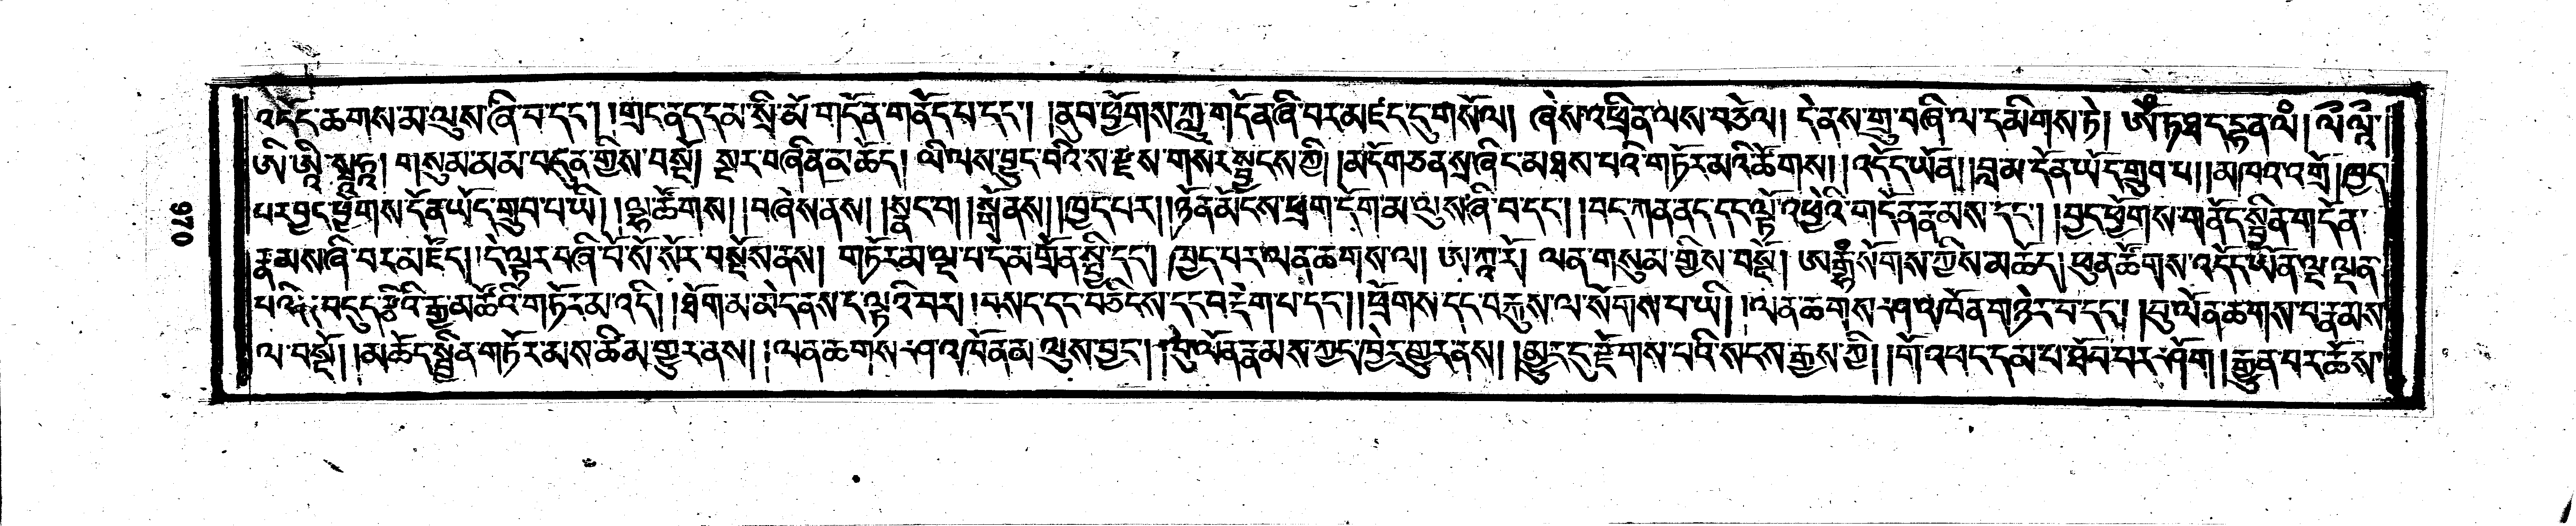འདོད་ཆགས་མ་ལུས་ཞི་བ་དང་། །གྲང་ནད་དམ་སྲི་མོ་གདོན་གནོད་པ་དང་། །ནུབ་ཕྱོགས་ཀླུ་གདོན་ཞི་བར་མཛད་དུ་གསོལ། ཞེས་འཕྲིན་ལས་བཅོལ། དེ་ནས་གྲུ་བཞི་ལ་དམིགས་ཏེ། ཨོཾ་ཏ་ཐ་ད་དྷ་ན་ལཾ། ལྀ་ལཱྀ་
ཨི་ཨཱི་སྭཱ་ཧཱ། གསུམ་མམ་བདུན་གྱིས་བསྔོ། སྔར་བཞིན་མཆོད། ལཾ་ལས་བྱུང་བའི་ས་རྫས་གསེར་སྦྱངས་ཀྱི། །མདོག་ཅན་སྲ་ཞིང་མཐས་པའི་གཏོར་མའི་ཚོགས། །འདོད་ཡོན། །བླ་མ་དོན་ཡོད་གྲུབ་པ། །མཁའ་འགྲོ། ཁྱད་
པར་བྱང་ཕྱོགས་དོན་ཡོད་གྲུབ་པ་ཡི། །ལྷ་ཚོགས། །བཞེས་ནས། །སྣང་བ། །སྒོ་ནས། །ཁྱད་པར། །ཉོན་མོངས་ཕྲག་དོག་མ་ལུས་ཞི་བ་དང་། །བད་ཀན་ནད་དང་ལྟོ་འཕྱེའི་གདོན་རྣམས་དང་། །བྱང་ཕྱོགས་གནོད་སྦྱིན་གདོན་
རྣམས་ཞི་བར་མཛོད། །དེ་ལྟར་བཞི་པོ་སོ་སོར་བསྔོས་ནས། གཏོར་མ་ལྔ་པ་དེ་མགྲོན་སྤྱི་དང་། ཁྱད་པར་ལན་ཆགས་ལ། ཨ་ཀཱ་རོ། ལན་གསུམ་གྱིས་བསྔོ། ཨརྒྷཾ་སོགས་ཀྱིས་མཆོད། ཕུན་ཚོགས་འདོད་ཡོན་ལྔ་ལྡན་
པའི། །བདུད་རྩིའི་རྒྱ་མཚོའི་གཏོར་མ་འདི། །ཐོག་མ་མེད་ནས་ད་ལྟའི་བར། །བསད་དང་བཅིངས་དང་བརྡེག་པ་དང་། །ཕྲོགས་དང་བརྐུས་ལ་སོགས་པ་ཡི། །ལན་ཆགས་ཤ་འཁོན་གཉེར་བ་དང་། །བུ་ལོན་ཆགས་པ་རྣམས་
ལ་བསྔོ། །མཆོད་སྦྱིན་གཏོར་མས་ཚིམ་གྱུར་ནས། །ལན་ཆགས་ཤ་འཁོན་མ་ལུས་བྱང་། །བུ་ལོན་རྣམས་ཀྱང་ཁྱེར་གྱུར་ནས། །མྱུར་དུ་རྫོགས་པའི་སངས་རྒྱས་ཀྱི། །གོ་འཕང་དམ་པ་ཐོབ་པར་ཤོག །རྒྱུན་པར་ཆོས་